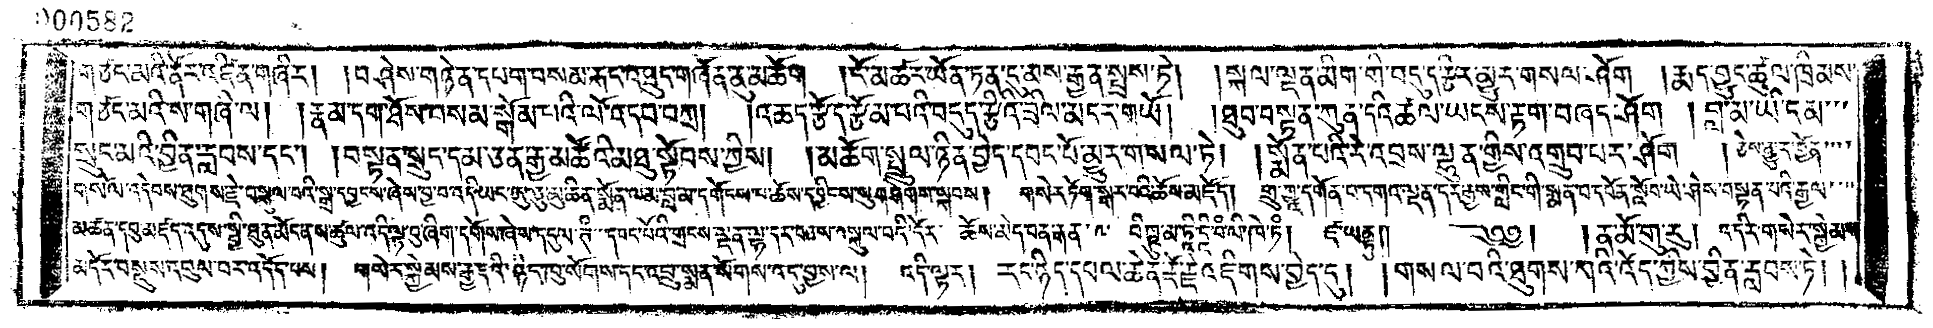གཙང་མའི་ནོར་འཛིན་གཞིར། །བཤེས་གཉེན་དཔག་བསམ་རྐང་འཐུང་གཞོན་ནུ་མཆོག །ངོ་མཚར་ཡོན་ཏན་དུ་མས་རྒྱན་སྤྲས་ཏེ། །སྐལ་ལྡན་མིག་གི་བདུད་རྩིར་མྱུར་གསལ་ཤོག །རྨད་བྱུང་ཚུལ་ཁྲིམས་
གཙང་མའི་ས་གཞི་ལ། །རྣམ་དག་ཐོས་བསམ་སྒོམ་པའི་ལོ་འདབ་བཀྲ། །འཆད་རྩོད་རྩོམ་པའི་བདུད་རྩིའི་ཟིལ་མངར་གཡོ། །ཐུབ་བསྟན་ཀུན་དའི་ཚལ་ཡངས་རྟག་བཞད་ཤོག །བླ་མ་ཡི་དམ་
སྲུང་མའི་བྱིན་རླབས་དང་། །བསྟན་སྲུང་དམ་ཅན་རྒྱ་མཚོའི་མཐུ་སྟོབས་ཀྱིས། །མཆོག་སྤྲུལ་ཉིན་བྱེད་དབང་པོ་མྱུར་གསལ་ཏེ། །སྨོན་པའི་རེ་འབྲས་ལྷུན་གྱིས་འགྲུབ་པར་ཤོག །ཅེས་མྱུར་བྱོན་
གསོལ་འདེབས་ཐུགས་རྗེ་བསྐུལ་བའི་སྒྲ་དབྱངས་ཞེས་བྱ་བ་འདི་ཡང་ཨུ་ཅུ་མུ་ཆིན་སྨོན་ལམ་བླ་མ་དགོངས་པ་ཆོས་དབྱིངས་སུ་གཤེགས་སྐབས། གསེར་ཏོག་སྒར་བའི་ཆོས་མཛོད། གྲུ་ཀྱཱ་དགོན་པ་དགའ་ལྡན་དར་རྒྱས་གླིང་གི་སྨན་པ་དཔོན་སློབ་ཡེ་ཤེས་བསྟན་པའི་རྒྱལ་
མཚན་དབུ་མཛད་འདུས་སྤྱི་ཐུན་མོང་ནས་ཚུལ་འདི་ལྟ་བུ་ཞིག་དགོས་ཞེས་དངུལ་ཊཾ་དབང་པོའི་གྲངས་ལྡན་ལྷ་དར་བཅས་བསྐུལ་བའི་ངོར་ཆོས་མེད་བན་རྒན་༧་བིཀྵུ་མ་ཏཱི་དཱི་བཾ་ལི་ཁེ་ཏཾ། སྫ་ཡནྟུ།། ༄༅། །ན་མོ་གུ་རུ། འདིར་གསེར་སྐྱེམས་
མདོར་བསྡུས་འབུལ་བར་འདོད་པས། གསེར་སྐྱེམས་རྒྱ་ཇའི་ཉིང་ཁུ་སོགས་དང་འབྲུ་སྨན་སོགས་འདུ་བྱས་ལ། འདི་ལྟར། རང་ཉིད་དཔལ་ཆེན་རྡོ་རྗེ་འཇིགས་བྱེད་དུ། །གསལ་བའི་ཐུགས་ཀའི་འོད་ཀྱིས་བྱིན་རླབས་ཏེ། །